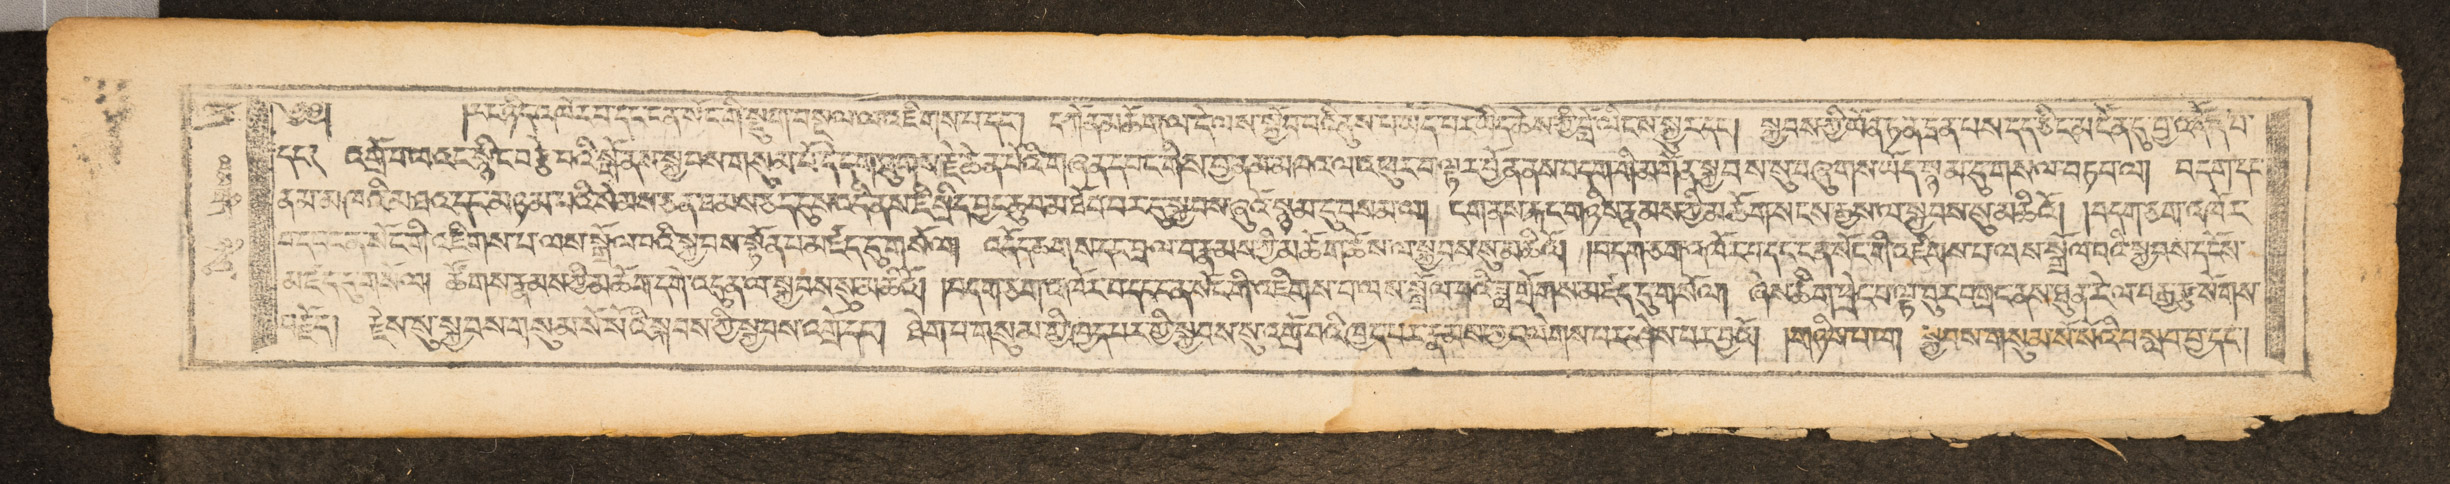༄༅། །རང་ཉིད་འཁོར་བ་དང་ངན་སོང་གི་སྡུག་བསྔལ་ལ་འཇིགས་པ་དང་། དཀོན་མཆོག་ལ་དེ་ལས་སྐྱོབ་པའི་ནུས་པ་ཡོད་པར་ཡིད་ཆེས་ཀྱི་བླེ་ལིངས་སྐྱུར་དང་། སྐྱབས་ཀྱི་ཡོན་ཏན་དྲན་པས་དང་ཅིང་མངོན་དུ་བྱ་འདོད་པ་
དང༑ འགྲོ་བ་ལའང་སྙིང་བརྩེ་བའི་སྒོ་ནས་སྐྱབས་གསུམ་པོ་དེ་དག་ཐུགས་རྗེ་ཆེན་པོའི་གཞན་དབང་གིས་བྱ་ནམ་མཁའ་ལ་འཕུར་བ་ལྟར་བྱོན་ནས་བདག་གི་མགོན་སྐྱབས་སུ་བཞུགས་ཡོད་སྙམ་དུ་གསལ་བཏབ་ལ། བདག་དང་
ནམ་མཁའི་མཐའ་དང་མཉམ་པའི་སེམས་ཅན་ཐམས་ཅད་དུས་འདི་ནས་ཇི་སྲིད་བྱང་ཆུབ་མ་ཐོབ་བར་དུ་སྐྱབས་ཞུའོ་སྙམ་དུ་བསམ་ལ། ངག་ནས་རྐང་གཉིས་རྣམས་ཀྱི་མཆོག་སངས་རྒྱས་ལ་སྐྱབས་སུ་མཆིའོ། །བདག་ཅག་འཁོར་
བ་དང་ངན་སོང་གི་འཇིགས་པ་ལས་སྒྲོལ་བའི་སྐྱབས་སྟོན་པ་མཛད་དུ་གསོལ། འདོད་ཆགས་དང་བྲལ་བ་རྣམས་ཀྱི་མཆོག་ཆོས་ལ་སྐྱབས་སུ་མཆིའོ། །བདག་ཅག་འཁོར་བ་དང་ངན་སོང་གི་འཇིགས་པ་ལས་སྒྲོལ་བའི་སྐྱབས་དངོས་
མཛད་དུ་གསོལ། ཚོགས་རྣམས་ཀྱི་མཆོག་དགེ་འདུན་ལ་སྐྱབས་སུ་མཆིའོ། །བདག་ཅག་འཁོར་བ་དང་ངན་སོང་གི་འཇིགས་པ་ལས་སྒྲོལ་བའི་ཟླ་གྲོགས་མཛད་དུ་གསོལ། ཞེས་ཚིག་ཕྲེང་བ་ལྟ་བུར་བགྲང་ནས་ཐུན་རེ་ལ་བརྒྱ་རྩ་སོགས་
བརྗོད། རྗེས་སུ་སྐྱབས་གསུམ་སོ་སོའི་སྐབས་ཀྱི་སྐྱབས་འགྲོ་དང་། ཐེག་པ་གསུམ་གྱི་ཁྱད་པར་གྱི་སྐྱབས་སུ་འགྲོ་བའི་ཁྱད་པར་རྣམས་ཀྱང་ལེགས་པར་ཤེས་པར་བྱའོ། །གཉིས་པ་ལ། སྐྱབས་གསུམ་སོ་སོའི་བསླབ་བྱ་དང་།